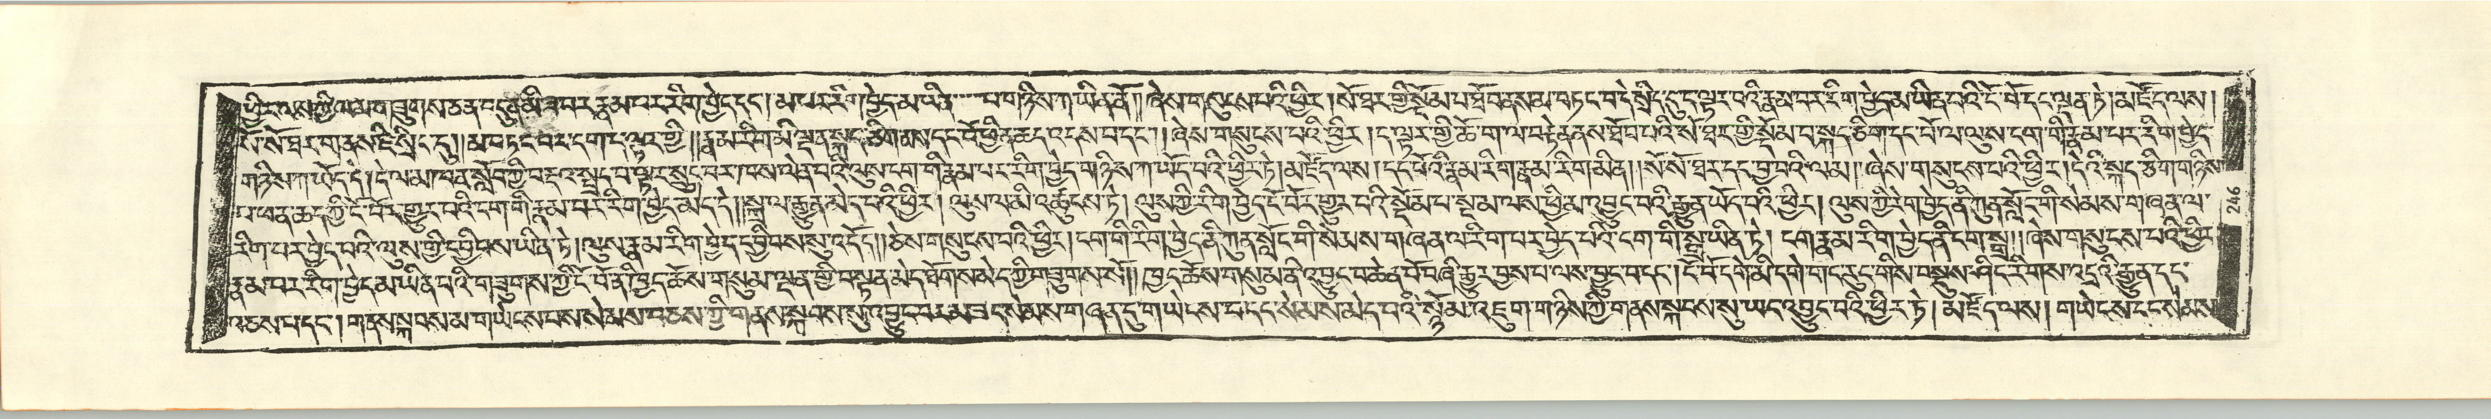ཕྱིར་ལས་ཀྱི་ལམ་གཟུགས་ཅན་བདུན་མི་ཟ་བར་རྣམ་པར་རིག་བྱེད་དང་། མ་པར་རིག་བྱེད་མ་ཡིན་པ་གཉིས་ཀ་ཡིན་ནོ། །ཞེས་གསུངས་པའི་ཕྱིར། སོ་ཐར་གྱི་སྡོམ་པ་ཐོབ་ནས་མ་བཏང་བ་དེ་སྲིད་དུ་ད་ལྟར་བའི་རྣམ་བར་རིག་བྱེད་མ་ཡིན་བའི་ངོ་བོ་དང་ལྡན་ཏེ། མཛོད་ལས།
སོ་སོ་ཐར་གནས་ཇི་སྲིད་དུ། །མ་བཏང་བར་དག་ད་ལྟར་གྱི། །རྣམ་རིག་མི་ལྡན་སྐད་ཅིག་མས་དང་བོ་ཕྱིན་ཆད་འདས་པ་དང་། །ཞེས་གསུངས་པའི་ཕྱིར། ད་ལྟར་གྱི་ཆོ་ག་ལ་བརྟེན་ནས་ཐོབ་པའི་སོ་ཐར་གྱི་སྡོམ་བ་སྐད་ཅིག་དང་པོ་ལ་ལུས་ངག་གི་རྣམ་པར་རིག་བྱེད་
གཉིས་ཀ་ཡོད་དེ། དེ་ལ་མཁན་སློབ་ཀྱི་བརྡའ་སྤྲད་པ་ལྟར་སྲུང་བར་ཁས་ལེན་པའི་ལུས་ངག་གི་རྣམ་པར་རིག་བྱེད་གཉིས་ཀ་ཡོད་པའི་ཕྱིར་ཏེ། མཛོད་ལས། དང་པོའི་རྣམ་རིག་རྣམ་རིག་མིན། །སོ་སོ་ཐར་དང་བྱ་བའི་ལམ། །ཞེས་གསུངས་པའི་ཕྱིར། དེའི་སྐད་ཅིག་གཉིས་
པ་ཕན་ཆད་ཀྱི་ངོ་བོར་གྱུར་བའི་ངག་གི་རྣམ་པར་རིག་བྱེད་མེད་དེ། །སྐྲ་ལ་རྒྱུན་མེད་པའི་ཕྱིར། ལུས་ལ་མི་འཚུངས་ཏེ། ལུས་ཀྱི་རིག་བྱེད་ངོ་བོར་གྱུར་བའི་སྡོམ་པ་སྔ་མ་ལས་ཕྱི་མ་འབྱུང་བའི་རྒྱུན་ཡོད་པའི་ཕྱིར། ལུས་ཀྱི་རེག་བྱེད་ནི་ཀུན་སློང་གི་སེམས་གཞན་ལ་
རིག་པར་བྱེད་པའི་ལུས་གྱི་དབྱིབས་ཡིན་ཏེ། ལུས་རྣམ་རིག་བྱེད་དབྱིབས་སུ་འདོད། །ཅེས་གསུངས་པའི་ཕྱིར། ངག་གི་རིག་བྱེད་ནི་ཀུན་སློང་གི་སེམས་གཞན་ལ་རིག་པར་བྱེད་པའི་ངག་གི་སྒྲ་ཡིན་ཏེ། ངག་རྣམ་རིག་བྱེད་ནི་ངག་སྒྲ། །ཞེས་གསུངས་པའི་ཕྱིར།
རྣམ་པར་རིག་བྱེད་མ་ཡིན་པའི་གཟུགས་ཀྱི་ངོ་བོ་ནི་ཁྱད་ཆོས་གསུམ་ལྡན་གྱི་བསྟན་མེད་ཐོགས་མེད་ཀྱི་གཟུགས་སོ། །ཁྱད་ཆོས་གསུམ་ནི་འབྱུང་བ་ཆེན་པོ་བཞི་རྒྱུར་བྱས་པ་ལས་བྱུང་བ་དང་། ངོ་བོ་དགེ་མི་དགེ་གང་རུང་གིས་བསྡུས་ཤིང་རིགས་འདྲའི་རྒྱུན་དང་
བཅས་པ་དང་། གནས་སྐབས་མ་གཡེངས་པས་སེམས་བཅས་ཀྱི་གནས་སྐབས་སུ་འབྱུང་བར་མ་ཟད་སེམས་གཞན་དུ་གཡེངས་པ་དང་སེམས་མེད་བའི་སྙོམ་འཇུག་གཉིས་ཀྱི་གནས་སྐབས་སུ་ཡང་འབྱུང་བའི་ཕྱིར་ཏེ། མཛོད་ལས། གཡེངས་དང་སེམས་